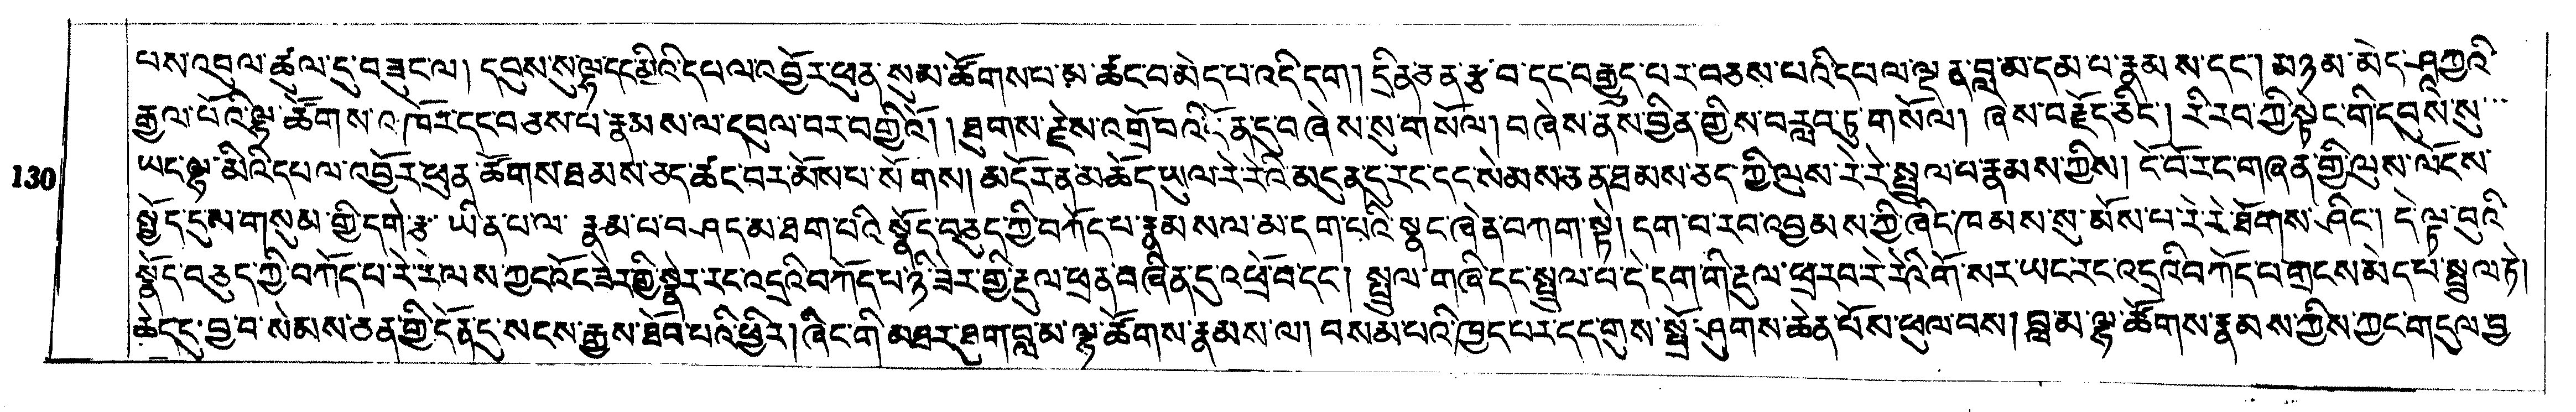པས་འབུལ་ཚུལ་དུ་བཟུང་ལ། དབུས་སུ་ལྷ་དང་མིའི་དཔལ་འབྱོར་ཕུན་སུམ་ཚོགས་པ་མ་ཚང་བ་མེད་པ་འདི་དག །དྲིན་ཅན་རྩ་བ་དང་བརྒྱུད་པར་བཅས་པའི་དཔལ་ལྡན་བླ་མ་དམ་པ་རྣམས་དང་། མཉམ་མེད་ཤཱཀྱའི་
རྒྱལ་པོའི་ལྷ་ཚོགས་འཁོར་དང་བཅས་པ་རྣམས་ལ་དབུལ་བར་བགྱིའོ། །ཐུགས་རྗེས་འགྲོ་བའི་དོན་དུ་བཞེས་སུ་གསོལ། བཞེས་ནས་བྱིན་གྱིས་བརླབ་ཏུ་གསོལ། ཞེས་བརྗོད་ཅིང་། རི་རབ་ཀྱི་སྟེང་གི་དབུས་སུ་
ཡང་ལྷ་མིའི་དཔལ་འབྱོར་ཕུན་ཚོགས་ཐམས་ཅད་ཚང་བར་མོས་པ་སོགས། མདོར་ན་མཆོད་ཡུལ་རེ་རེའི་མདུན་དུ་རང་དང་སེམས་ཅན་ཐམས་ཅད་ཀྱི་ལུས་རེ་རེ་སྤྲུལ་པ་རྣམས་ཀྱིས། ངོ་བོ་རང་གཞན་གྱི་ལུས་ལོངས་
སྤྱོད་དུས་གསུམ་གྱི་དགེ་རྩ་ཡིན་པ་ལ་རྣམ་པ་བཤད་མ་ཐག་པའི་སྣོད་བཅུད་ཀྱི་བཀོད་པ་རྣམས་ལ་མ་དག་པའི་སྣང་ཞེན་བཀག་སྟེ། དག་པ་རབ་འབྱམས་ཀྱི་ཞིང་ཁམས་སུ་མོས་པ་རེ་རེ་ཐོགས་ཤིང་། དེ་ལྟ་བུའི་
སྣོད་བཅུད་ཀྱི་བཀོད་པ་རེ་རེ་ལས་ཀྱང་འོད་ཟེར་གྱི་སྣེར་རང་འདྲའི་བཀོད་པ་ཉི་ཟེར་གྱི་རྡུལ་ཕྲན་བཞིན་དུ་འཕྲོ་བ་དང་། སྤྲུལ་གཞི་དང་སྤྲུལ་པ་དེ་དག་གི་རྡུལ་ཕྲ་རབ་རེ་རེའི་གོ་སར་ཡང་རང་འདྲའི་བཀོད་པ་གྲངས་མེད་པ་སྤྲུལ་ཏེ།
ཆེད་དུ་བྱ་བ་སེམས་ཅན་གྱི་དོན་དུ་སངས་རྒྱས་ཐོབ་པའི་ཕྱིར། ཞིང་གི་མཐར་ཐུག་བླ་མ་ལྷ་ཚོགས་རྣམས་ལ། བསམ་པའི་ཁྱད་པར་དད་གུས་སྤྲོ་ཤུགས་ཆེན་པོས་ཕུལ་བས། བླ་མ་ལྷ་ཚོགས་རྣམས་ཀྱིས་ཀྱང་གདུལ་བྱ་